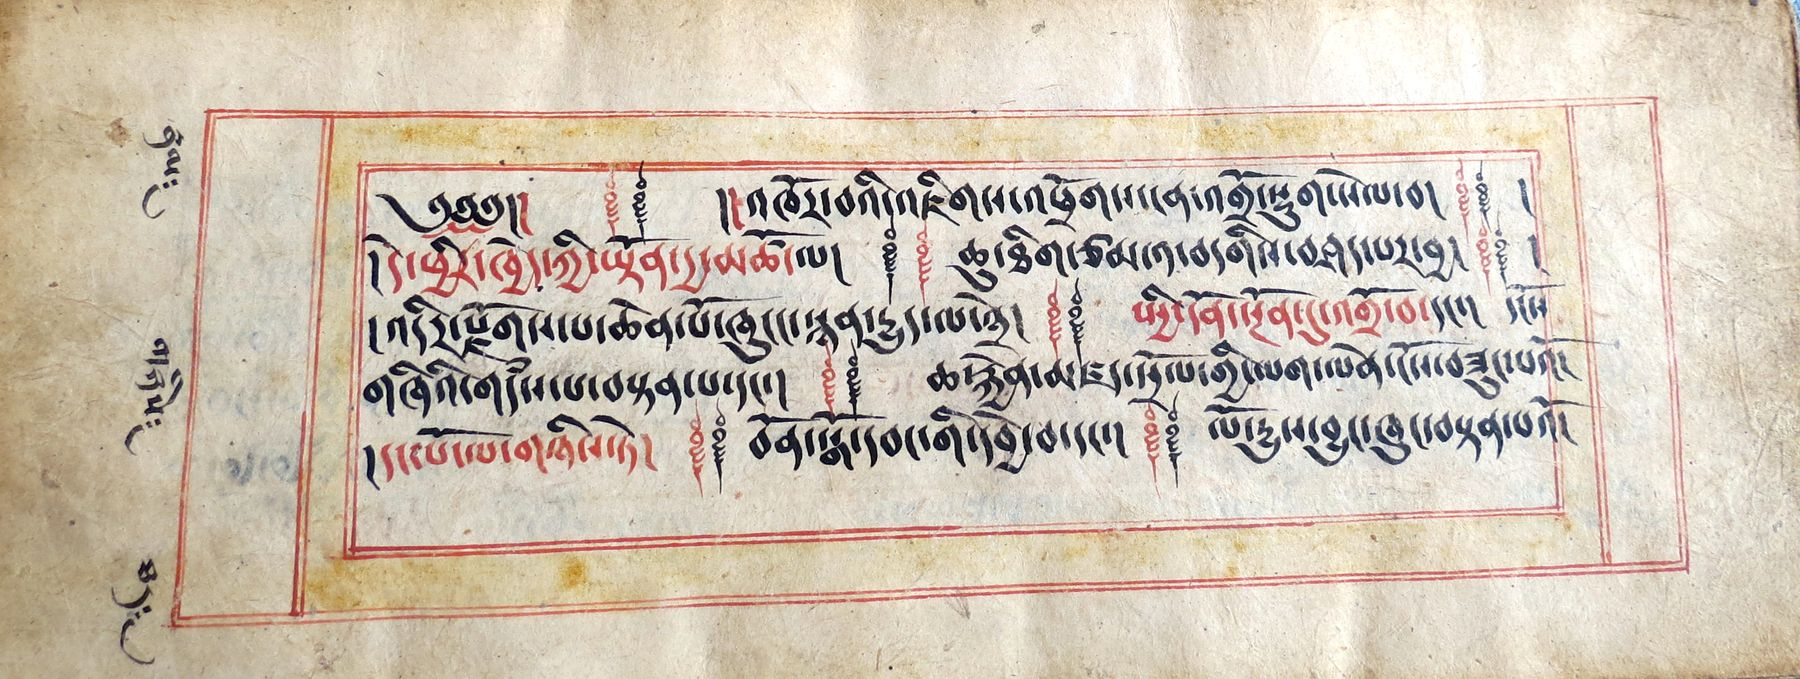འཁོར་བའི་འཇིགས་འཕྲོག་ངན་འགྲོའི་གདུང་སེལ་བ། ། 
དེ་ཕྱིར་ཁྱེད་ཀྱི་ཡོན་ཏན་རྒྱ་མཚོ་ལས། ། ཆུ་ཐིགས་ཙམ་ཞིག་བདག་གིས་བཤད་པར་བྱ། ། 
འདིར་རྫོགས་པ་ཆེན་པོ་ཞང་ཞུང་སྙན་རྒྱུད་ལ་གསུམ་སྟེ། སྤྱི་དོན་སྔོན་དུ་འགྲོ་བ་དང་། དངོས་
གཞི་གདམས་པ་བསྟན་པ་དང་། ཆ་རྐྱེན་མཛད་སྲོལ་གྱི་ལག་ལེན་ངོས་བཟུང་པའོ། ། 
དང་པོ་ལ་གཉིས་ཏེ། བོན་སྒོ་དབང་གིས་དབྱེ་བ་དང་། ལོ་རྒྱུས་བྱུང་ཁུངས་བསྟན་པའོ། །